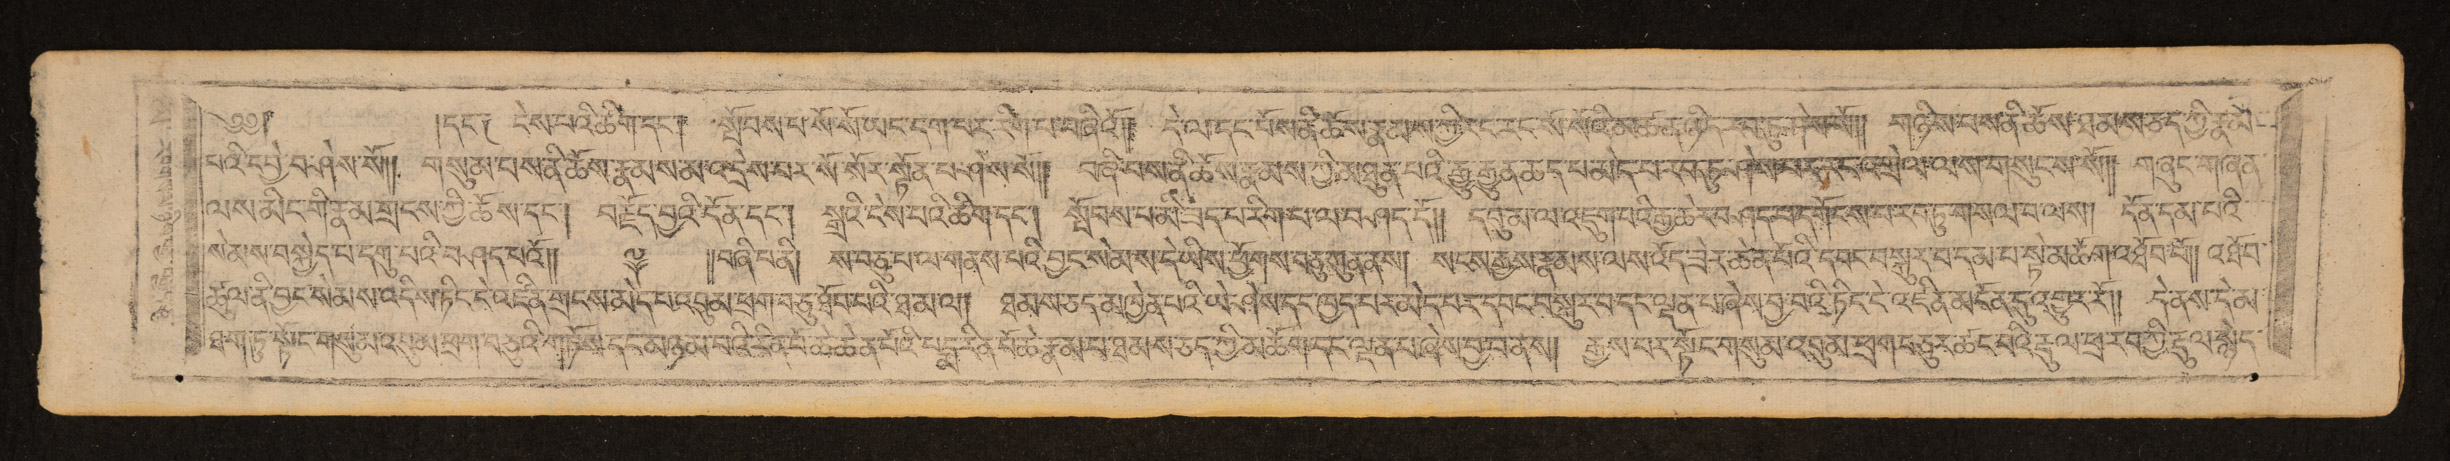༄༅། །དང༑ ངེས་པའི་ཚིག་དང་། སྤོབས་པ་སོ་སོ་ཡང་དག་པར་རིག་པ་བཞིའོ།། དེ་ལ་དང་པོས་ནི་ཆོས་རྣམས་ཀྱི་རང་རང་སོ་སོའི་མཚན་ཉིད་རབ་ཏུ་ཤེས་སོ།། གཉིས་པས་ནི་ཆོས་ཐམས་ཅད་ཀྱི་རྣམ་
པའི་དབྱེ་བ་ཤེས་སོ།། གསུམ་པས་ནི་ཆོས་རྣམས་མ་འདྲེས་པར་སོ་སོར་སྟོན་པ་ཤེས་སོ།། བཞི་པས་ནི་ཆོས་རྣམས་ཀྱི་མཐུན་པའི་རྒྱུ་རྒྱུན་ཆད་པ་མེད་པ་རབ་ཏུ་ཤེས་པར་རང་འགྲེལ་ལས་གསུངས་སོ།། གཞུང་གཞན་
ལས་མིང་གི་རྣམ་གྲངས་ཀྱི་ཆོས་དང་། བརྗོད་བྱའི་དོན་དང་། སྒྲའི་ངེས་པའི་ཚིག་དང་། སྤོབས་པ་མི་ཟད་པ་རིག་པ་ལ་བཤད་དོ།། དབུ་མ་ལ་འཇུག་པའི་རྒྱ་ཆེར་བཤད་པ་དགོངས་པ་རབ་ཏུ་གསལ་བ་ལས། དོན་དམ་པའི་
སེམས་བསྐྱེད་པ་དགུ་པའི་བཤད་པའོ།། ༈ །།བཞི་པ་ནི། ས་བཅུ་པ་ལ་གནས་པའི་བྱང་སེམས་དེ་ཡིས་ཕྱོགས་བཅུ་ཀུན་ནས། སངས་རྒྱས་རྣམས་ལས་འོད་ཟེར་ཆེན་པོའི་དབང་བསྐུར་བ་དམ་པ་སྟེ་མཆོག་འཐོབ་བོ།། འཐོབ་
ཚུལ་ནི་བྱང་སེམས་འདིས་ཏིང་ངེ་འཛིན་གྲངས་མེད་པ་འབུམ་ཕྲག་བཅུ་ཐོབ་པའི་ཐ་མ་ལ། ཐམས་ཅད་མཁྱེན་པའི་ཡེ་ཤེས་དང་ཁྱད་པར་མེད་པར་དབང་བསྐུར་བ་དང་ལྡན་པ་ཞེས་བྱ་བའི་ཏིང་ངེ་འཛིན་མངོན་དུ་འགྱུར་རོ།། དེ་ནས་དེ་མ་
ཐག་ཏུ་སྟོང་གསུམ་འབུམ་ཕྲག་བཅུའི་གཏོས་དང་མཉམ་པའི་རིན་པོ་ཆེ་ཆེན་པོའི་པདྨ་རིན་པོ་ཆེ་རྣམ་པ་ཐམས་ཅད་ཀྱི་མཆོག་དང་ལྡན་པ་ཞེས་བྱ་བ་ནས། རྒྱས་པར་སྟོང་གསུམ་འབུམ་ཕྲག་བཅུར་ཚང་བའི་རྡུལ་ཕྲ་རབ་ཀྱི་རྡུལ་སྙེད་